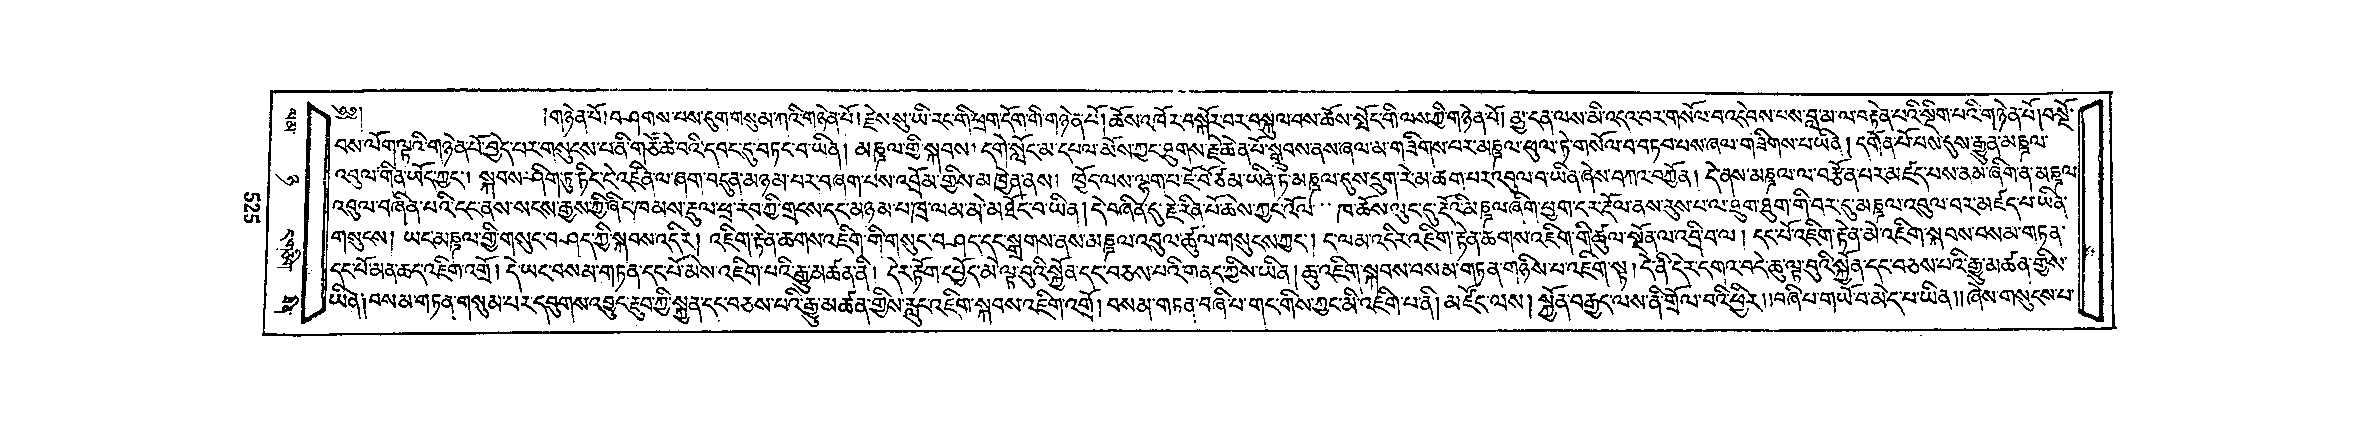༄༅། །གཉེན་པོ། བཤགས་པས་དུག་གསུམ་ཀའི་གཉེན་པོ། རྗེས་སུ་ཡི་རང་གི་ཕྲག་དོག་གི་གཉེན་པོ། ཆོས་འཁོར་བསྐོར་བར་བསྐུལ་བས་ཆོས་སྤོང་གི་ལས་ཀྱི་གཉེན་པོ། མྱ་ངན་ལས་མི་འདའ་བར་གསོལ་བ་འདེབས་པས་བླ་མ་ལ་བརྟེན་པའི་སྡིག་པའི་གཉེན་པོ། བསྔོ་
བས་ལོག་ལྟའི་གཉེན་པོ་བྱེད་པར་གསུངས་པ་ནི་གཙོ་ཆེ་བའི་དབང་དུ་བཏང་བ་ཡིན། མཎྜལ་གྱི་སྐབས། དགེ་སློང་མ་དཔལ་མོས་ཀྱང་ཐུགས་རྗེ་ཆེན་པོ་སྒྲུབས་ནས་ཞལ་མ་གཟིགས་པར་མཎྜལ་ཕུལ་ཏེ་གསོལ་བ་བཏབ་པས་ཞལ་གཟིགས་པ་ཡིན། དགོན་པོ་པས་དུས་རྒྱུན་མཎྜལ་
འབུལ་གིན་ཡོད་ཀྱང་། སྐབས་ཤིག་ཏུ་ཏིང་ངེ་འཛིན་ལ་ཞག་བདུན་མཉམ་པར་བཞག་པས་འབྲོམ་གྱིས་མཁྱེན་ནས། ཁྱོད་ལས་ལྷག་པ་ཇོ་བོ་ཙམ་ཡིན་ཏེ་མཎྜལ་དུས་དྲུག་རེ་མ་ཆག་པར་འབུལ་བ་ཡིན་ཞེས་བཀའ་བཀྱོན། དེ་ནས་མཎྜལ་ལ་བརྩོན་པར་མཛད་པས་ནམ་ཞིག་ན་མཎྜལ་
འབུལ་བཞིན་པའི་ངང་ནས་སངས་རྒྱས་ཀྱི་ཞིང་ཁམས་རྡུལ་ཕྲ་རབ་ཀྱི་གྲངས་དང་མཉམ་པ་ཁྲ་ལམ་མེ་མཐོང་བ་ཡིན། དེ་བཞིན་དུ་རྗེ་རིན་པོ་ཆེས་ཀྱང་འོལ་ཁ་ཆོས་ལུང་དུ་རྡོའི་མཎྜལ་ཞིག་ཕྱག་དར་རྡོལ་ནས་རུས་པ་ལ་ཐུག་ཐུག་གི་བར་དུ་མཎྜལ་འབུལ་བར་མཛད་པ་ཡིན་
གསུངས། ཡང་མཎྜལ་གྱི་གསུངས་བཤད་ཀྱི་སྐབས་འདིར། འཇིག་རྟེན་ཆགས་འཇིག་གི་གསུང་བཤད་དང་སྒྲགས་ནས་མཎྜལ་འབུལ་ཚུལ་གསུངས་ཀྱང་། ད་ལམ་འདིར་འཇིག་རྟེན་ཆགས་འཇིག་གི་ཚུལ་སྔོན་ལ་འབྲི་བ་ལ། དང་པོ་འཇིག་རྟེན་མེ་འཇིག་སྐབས་བསམ་གཏན་
དང་པོ་མན་ཆད་འཇིག་འགྲོ་།དེ་ཡང་བསམ་གཏན་དང་པོ་མེས་འཇིག་པའི་རྒྱུ་མཚན་ནི། དེར་རྟོག་དཔྱོད་མེ་ལྟ་བུའི་སྐྱོན་དང་བཅས་པའི་གནད་ཀྱིས་ཡིན། ཆུ་འཇིག་སྐབས་བསམ་གཏན་གཉིས་པ་འཇིག་སྟ། དེ་ནི་དེར་དགའ་བདེ་ཆུ་ལྟ་བུའི་སྐྱོན་དང་བཅས་པའི་རྒྱུ་མཚན་གྱིས་
ཡིན། བསམ་གཏན་གསུམ་པར་དབུགས་འབྱུང་རྡུབ་ཀྱི་སྐྱན་དང་བཅས་པའི་རྒྱུ་མཚན་གྱིས་རླུང་འཇིག་སྐབས་འཇིག་འགྲོ་།བསམ་གཏན་བཞི་པ་གང་གིས་ཀྱང་མི་འཇིག་པ་ནི། མཛོད་ལས། སྐྱོན་བརྒྱད་ལས་ནི་གྲོལ་བའི་ཕྱིར། །བཞི་པ་གཡོ་བ་མེད་པ་ཡིན། །ཞེས་གསུངས་པ་